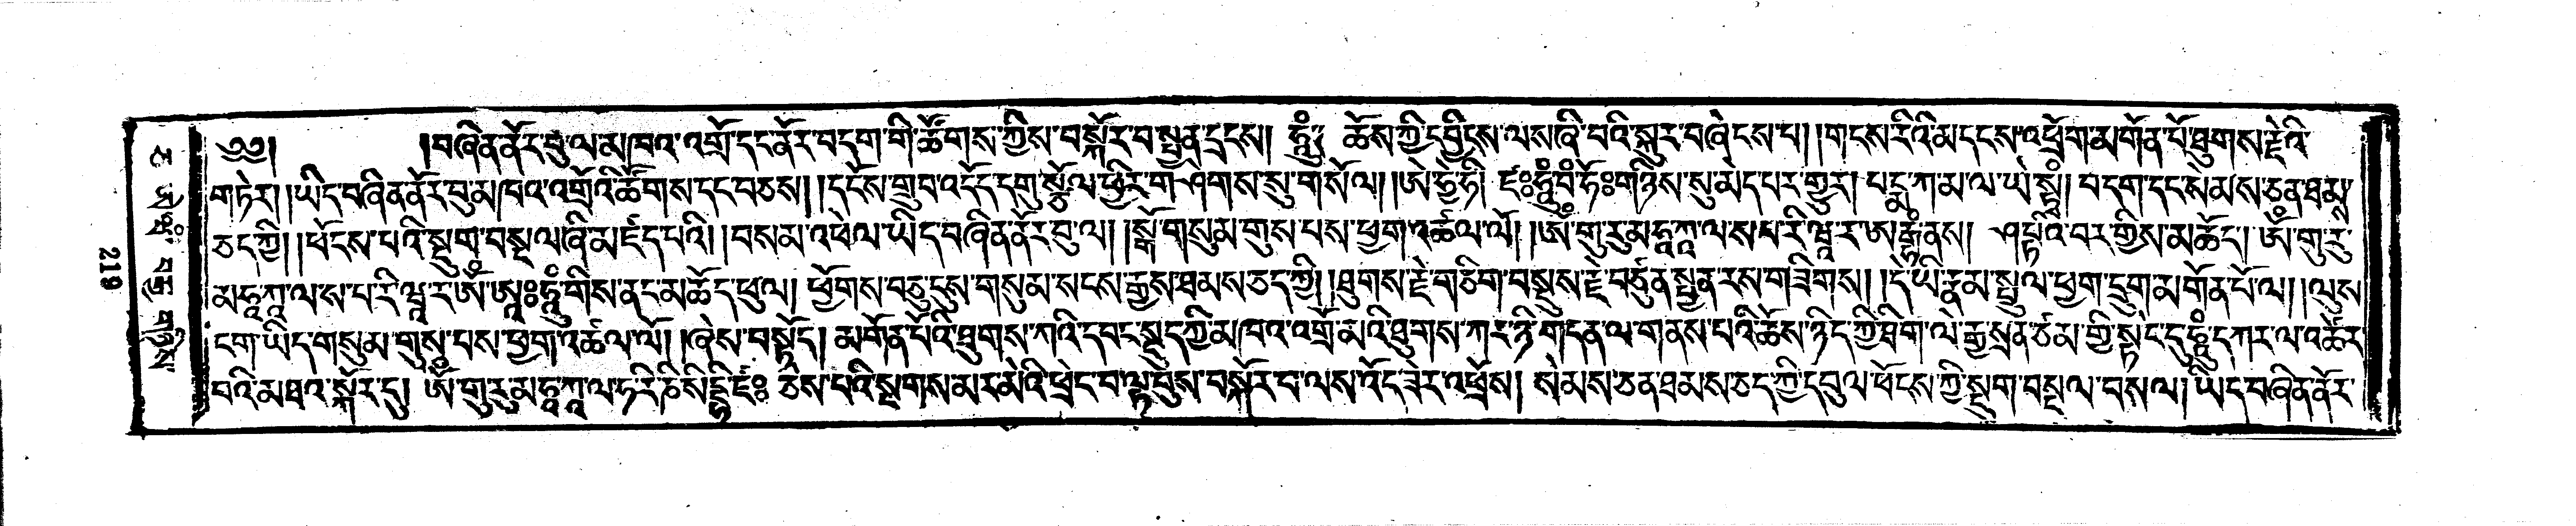༄༅། །བཞིན་ནོར་བུ་ལ་མཁའ་འགྲོ་དང་ནོར་བདག་གི་ཚོགས་ཀྱིས་བསྐོར་བ་སྤྱན་དྲངས། ཧཱུཾ། ཆོས་ཀྱི་དབྱིངས་ལས་ཞི་བའི་སྐུར་བཞེངས་པ། །གངས་རིའི་མདངས་འཕྲོག་མགོན་པོ་ཐུགས་རྗེའི་
གཏེར། །ཡིད་བཞིན་ནོར་བུ་མཁའ་འགྲོའི་ཚོགས་དང་བཅས། །དངོས་གྲུབ་འདོད་དགུ་སྩོལ་ཕྱིར་གཤེགས་སུ་གསོལ། །ཨེ་ཧྱེ་ཧི། ཛཿ ཧཱུཾ་བཾ་ཧོཿ གཉིས་སུ་མེད་པར་གྱུར། པདམ་ཀ་མ་ལ་ཡེ་སྟྭཾ། བདག་དང་སེམས་ཅན་ཐམས་
ཅད་ཀྱི། །ཕོངས་པའི་སྡུག་བསྔལ་ཞི་མཛད་པའི། །བསམ་འཕེལ་ཡིད་བཞིན་ནོར་བུ་ལ། །སྒོ་གསུམ་གུས་པས་ཕྱག་འཚལ་ལོ། །ཨོཾ་གུ་རུ་མཧཱ་ཀཱ་ལ་ས་པ་རི་ཝཱ་ར་ཨརྒྷཾ་ནས། ཤཔྟའི་བར་གྱིས་མཆོད། ཨོཾ་གུ་རུ་
མཧཱ་ཀཱ་ལ་ས་པ་རི་ཝཱ་ར་ཨོཾ་ཨཱཿ ཧཱུཾ་གིས་ནང་མཆོད་ཕུལ། ཕྱོགས་བཅུ་དུས་གསུམ་སངས་རྒྱས་ཐམས་ཅད་ཀྱི། །ཐུགས་རྗེ་གཅིག་བསྡུས་རྗེ་བཙུན་སྤྱན་རས་གཟིགས། །དེ་ཡི་རྣམ་སྤྲུལ་ཕྱག་དྲུག་མགོན་པོ་ལ། །ལུས་
ངག་ཡིད་གསུམ་གུས་པས་ཕྱག་འཚལ་ལོ། །ཞེས་བསྟོད། མགོན་པོའི་ཐུགས་ཀའི་དབང་སྡུད་ཀྱི་མཁའ་འགྲོ་མའི་ཐུགས་ཀར་ཉི་གདན་ལ་གནས་པའི་ཆོས་ཉིད་ཀྱི་ཐིག་ལེ་རྒྱ་སྲན་ཙམ་གྱི་སྟེང་དུ་ཧཱུཾ་དཀར་ལ་འཚེར་
བའི་མཐའ་སྐོར་དུ། ཨོཾ་གུ་རུ་མཧཱ་ཀཱ་ལ་ཧ་རི་ཎི་སིདྡྷི་ཛཿ ཅེས་པའི་སྔགས་མར་མེའི་ཕྲེང་བ་ལྟ་བུས་བསྐོར་བ་ལས་འོད་ཟེར་འཕྲོས། སེམས་ཅན་ཐམས་ཅད་ཀྱི་དབུལ་ཕོངས་ཀྱི་སྡུག་བསྔལ་བསལ། ཡིད་བཞིན་ནོར་